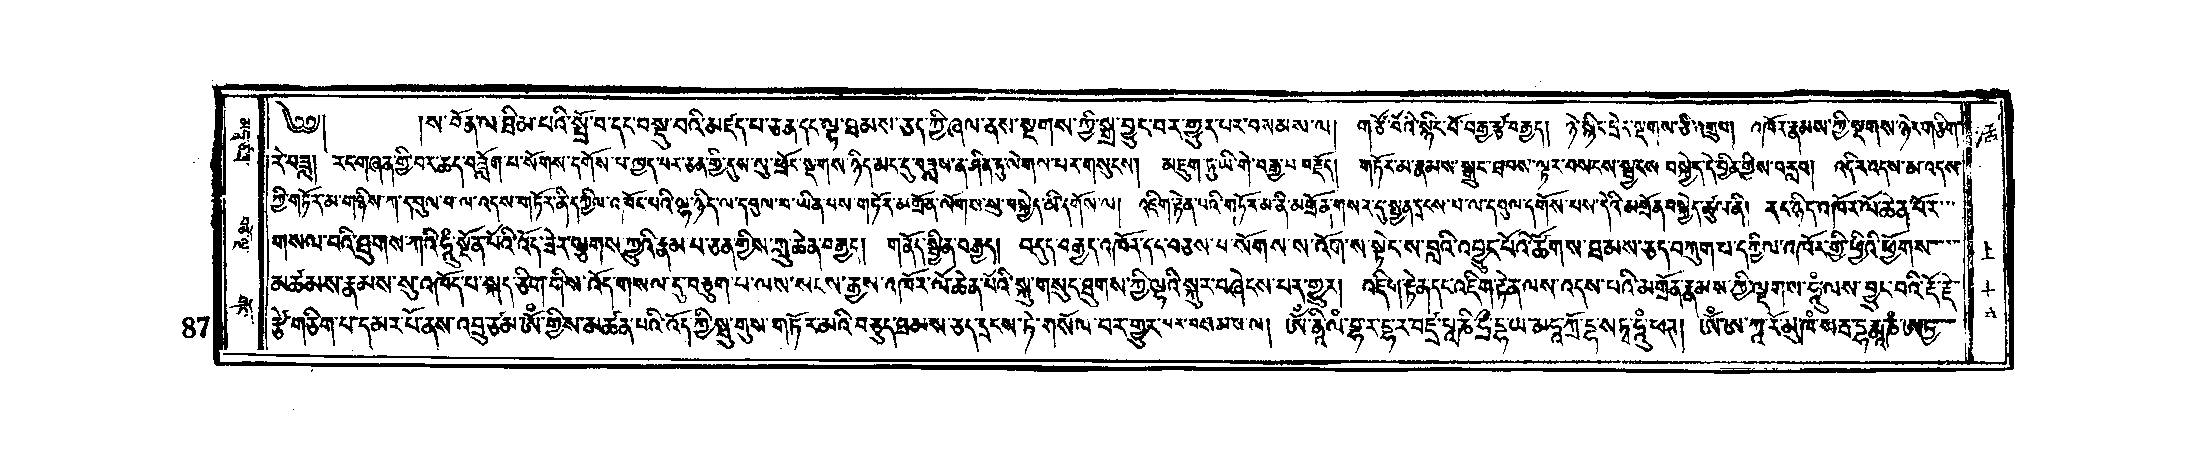༄༅། །ས་བོན་ལ་ཐིམ་པའི་སྤྲོ་བ་དང་བསྡུ་བའི་མཛད་པ་ཅན་དང་ལྷ་ཐམས་ཅད་ཀྱི་ཞལ་ནས་སྔགས་ཀྱི་སྒྲ་བྱུང་བར་གྱུར་པར་བསམས་ལ། གཙོ་བོའི་སྙིང་པོ་བརྒྱ་རྩ་བརྒྱད། ཉེ་སྙིང་ཕྲེར་སྔགས་ཅི་འགྲུབ། འཁོར་རྣམས་ཀྱི་སྔགས་ཉེར་གཅིག་
རེ་བཟླ། རང་གཞན་གྱི་བར་ཆད་བཟློག་པ་སོགས་དགོས་པ་ཁྱད་པར་ཅན་གྱི་དུས་སུ་ཕྲོང་སྔགས་ཉིད་མང་དུ་བཟླས་ན་ཤིན་ཏུ་ལེགས་པར་གསུངས། མཇུག་ཏུ་ཡི་གེ་བརྒྱ་པ་བརྗོད། གཏོར་མ་རྣམས་སྒྲུབ་ཐབས་ལྟར་བསངས་སྦྱངས་བསྐྱེད་དེ་བྱིན་གྱིས་བརླབ། འདིར་འདས་མ་འདས་
ཀྱི་གཏོར་མ་གཉིས་ཀ་དབུལ་བ་ལ་འདས་གཏོར་ནི་དཀྱིལ་འཁོར་པའི་ལྷ་ཉིད་ལ་དབུལ་བ་ཡིན་པས་གཏོར་མགྲོན་ལོགས་སུ་བསྐྱེད་མི་དགོས་ལ། འཇིག་རྟེན་པའི་གཏོར་མ་ནི་མགྲོན་གསར་དུ་སྤྱན་དྲངས་པ་ལ་དབུལ་དགོས་པས་དེའི་མགྲོན་བསྐྱེད་ཚུལ་ནི། རང་ཉིད་འཁོར་ལོ་ཆེན་པོར་
གསལ་བའི་ཐུགས་ཀའི་ཧཱུཾ་སྔོན་པོའི་འོད་ཟེར་ལྕགས་ཀྱུའི་རྣམ་པ་ཅན་གྱིས་ཀླུ་ཆེན་བརྒྱད། གནོད་སྦྱིན་བརྒྱད། བདུད་བརྒྱད་འཁོར་དང་བཅས་པ་སོགས་ས་འོག་ས་སྟེང་ས་བླའི་འབྱུང་པོའི་ཚོགས་ཐམས་ཅད་བཀུག་པ་དཀྱིལ་འཁོར་གྱི་ཕྱིའི་ཕྱོགས་
མཚམས་རྣམས་སུ་འཁོད་པ་སྐད་ཅིག་གིས་འོད་གསལ་དུ་བཅུག་པ་ལས་སངས་རྒྱས་འཁོར་ལོ་ཆེན་པོའི་སྐུ་གསུང་ཐུགས་ཀྱི་ལྷའི་སྐུར་བཞེངས་པར་གྱུར། འཇིག་རྟེན་དང་འཇིག་རྟེན་ལས་འདས་པའི་མགྲོན་རྣམས་ཀྱི་ལྗགས་ཧཱུཾ་ལས་བྱུང་བའི་རྡོ་རྗེ་
རྩེ་གཅིག་པ་དམར་པོ་ནས་འབྲུ་ཙམ་ཨོཾ་གྱིས་མཚན་པའི་འོད་ཀྱི་སྦུ་གུས་གཏོར་མའི་བཅུད་ཐམས་ཅད་དྲངས་ཏེ་གསོལ་བར་གྱུར་པར་བསམས་ལ། ཨོཾ་ནཱི་ལཾ་བྷ་ར་དྷ་ར་བཛྲ་པཱ་ཎི་ཧྲྀ་དྷ་ཡ་མཧཱ་ཀྲོ་དྷ་སཏྭ་ཧཱུཾ་ཕཊ། ཨོཾ་ཨ་ཀཱ་རོ་མུ་ཁཾ་སརྦ་དྷརྨཱ་ཎཾ་ཨདྱ་